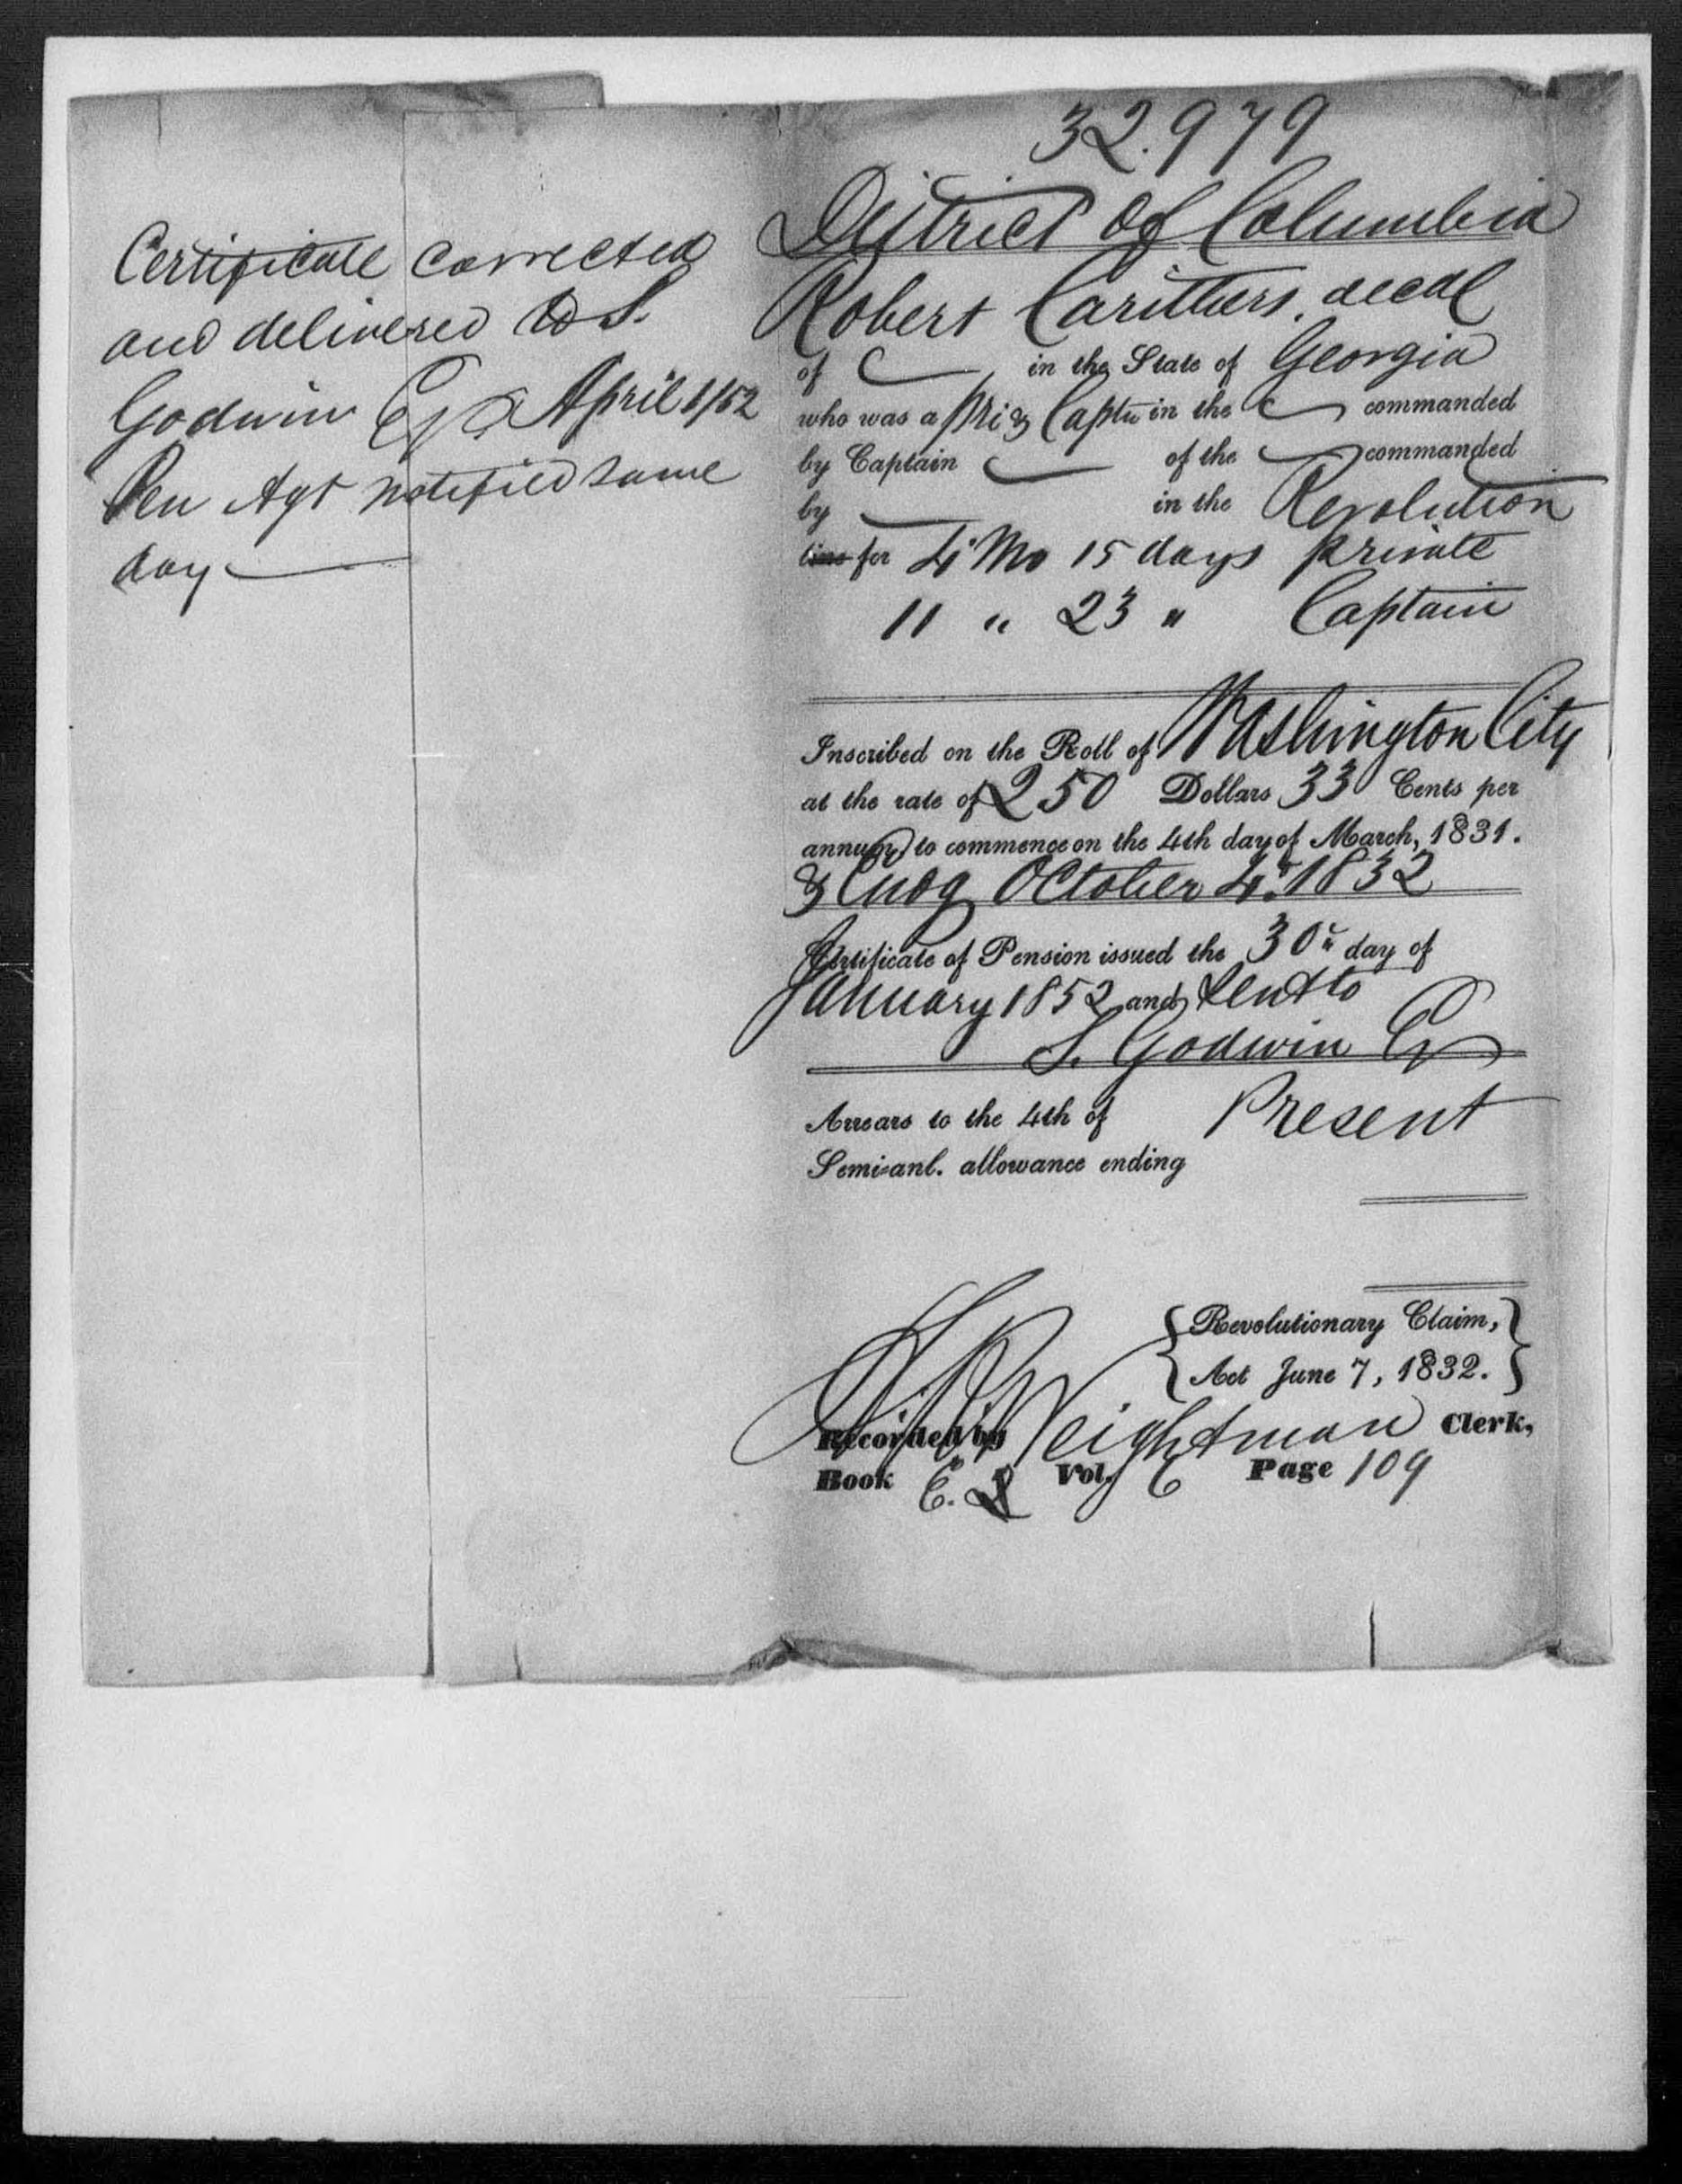32.919
Certificate corrected and delivered to S.Godwin Esq. April 1/62 Pen Agt Notified same day

District of Columbia
Robert Carithers, decd of in the State of Georgia who was a Priv Captain in the commanded by Captain  - of the - commanded by Captain  of the commanded by - in the Revolution time for 4 Mo 15 days 11 "23" Private Captain.
Inscribed on the Roll of Washington City at the rate of 250 Dollars 33 Cents per annum to commence on the 4th day of March 1831 Eusq October 4, 1832
Certificate of Pension issued the 30th day of January 1852 and sent to S. Godwin Esq. 
Arrears to the 4th of 
Semi anl. allowance ending Present
Revolutionary Claim, Act June 7, 1832
Recorded by SR Weighaman, Clerk, Book ES Vol 6 Page 109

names: S R Weighaman, S Godwin, Robert Carithers, S Godwin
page: 2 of 33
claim: widow's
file: W. 23779, Robert Carithers, S.C.